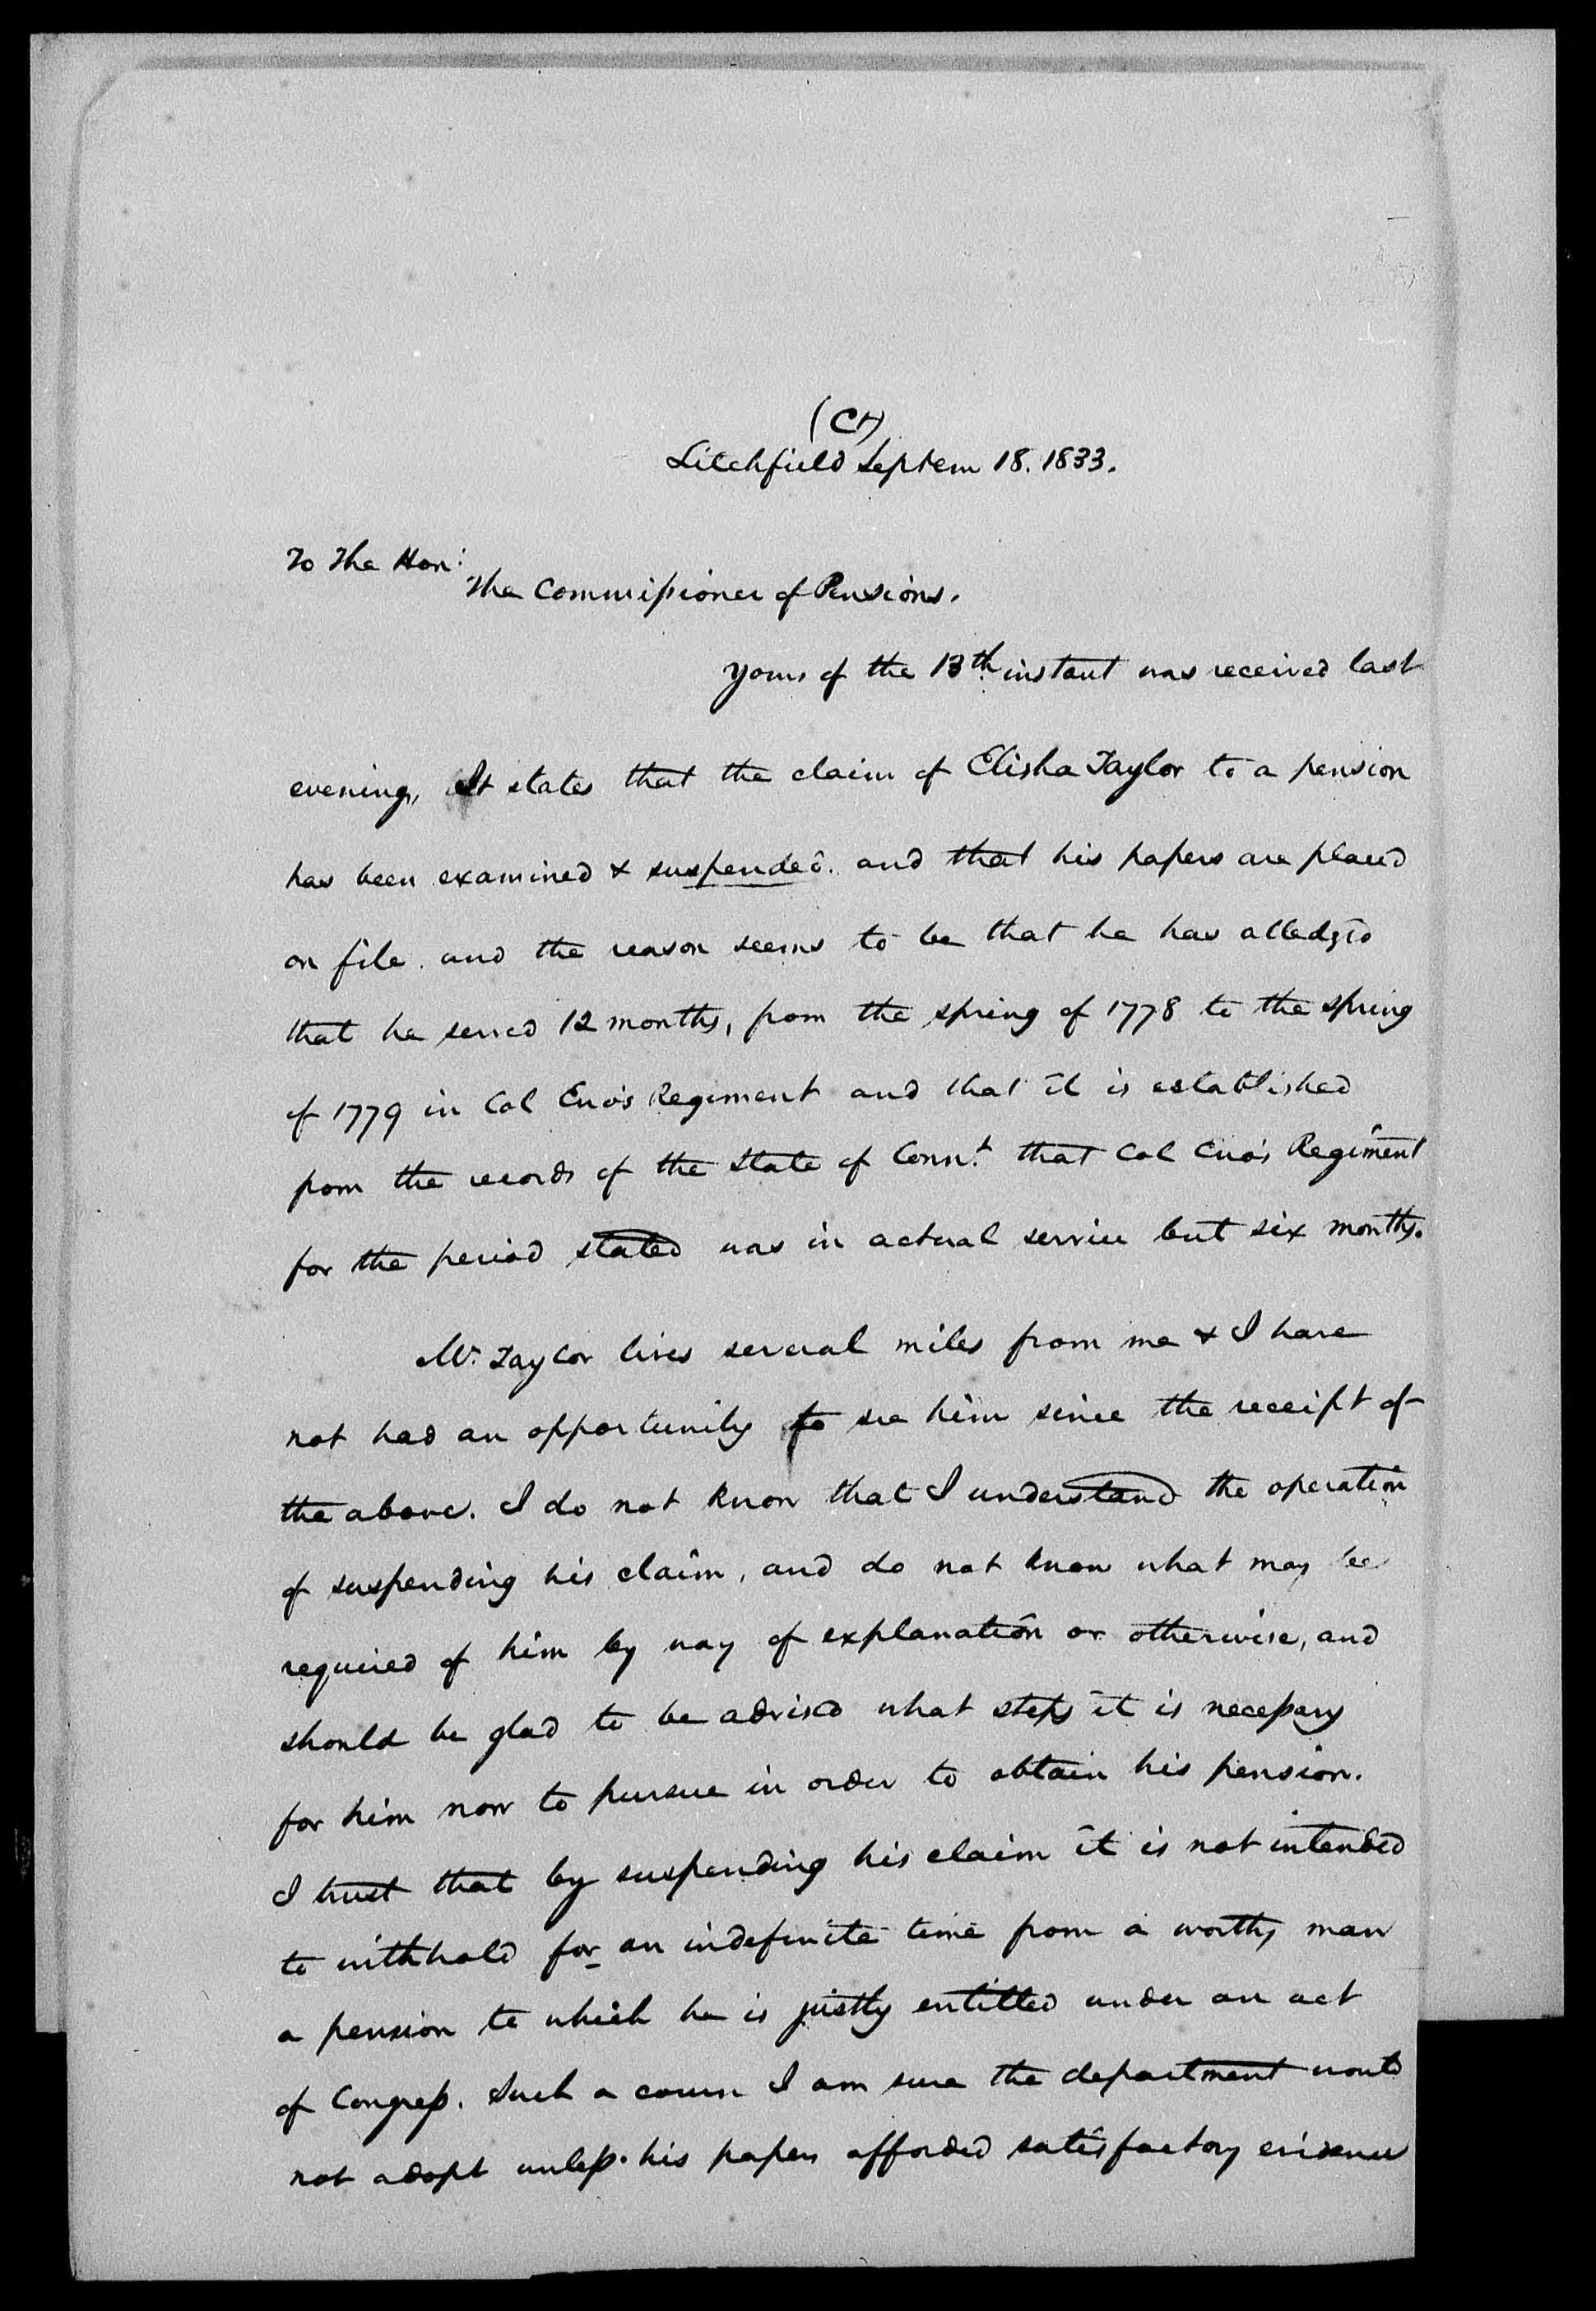(CH
Litchfield Septem 18, 1833
To the Hon: The Commissioner of Pensions.
Yours of the 13th instant was received last evening. It states that the claim of Elisha Taylor to a pension has been examined & suspended, and that his papers are placed on file and the reason seems to be that he has alleged that he served 12 months, from the spring of 1778 to the spring of 1779 in Col Eno's Regiment and that it is established from the records of the State of Connt. that Col Eno's Regiment for the period stated was in actual service but six months.
W. Taylor lives several miles from me & I have not had an opportunity to see him since the receipt of the above. I do not know that I understand the operation of suspending his claim, and do not know what may be required of him by way of explanation or otherwise and should be glad to be advised what steps it is necessary for him now to pursue in order to obtain his pension. I trust that by suspending his claim it is not intended to withhold for an indefinite time from a worthy man a pension to which he is justly entitled under an act of Congress. Such a course I am sure the department would not adopt unless his papers afforded satisfactory evidence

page: 15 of 16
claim: survivor's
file: S. 17722, for Elisha Taylor, Connecticut